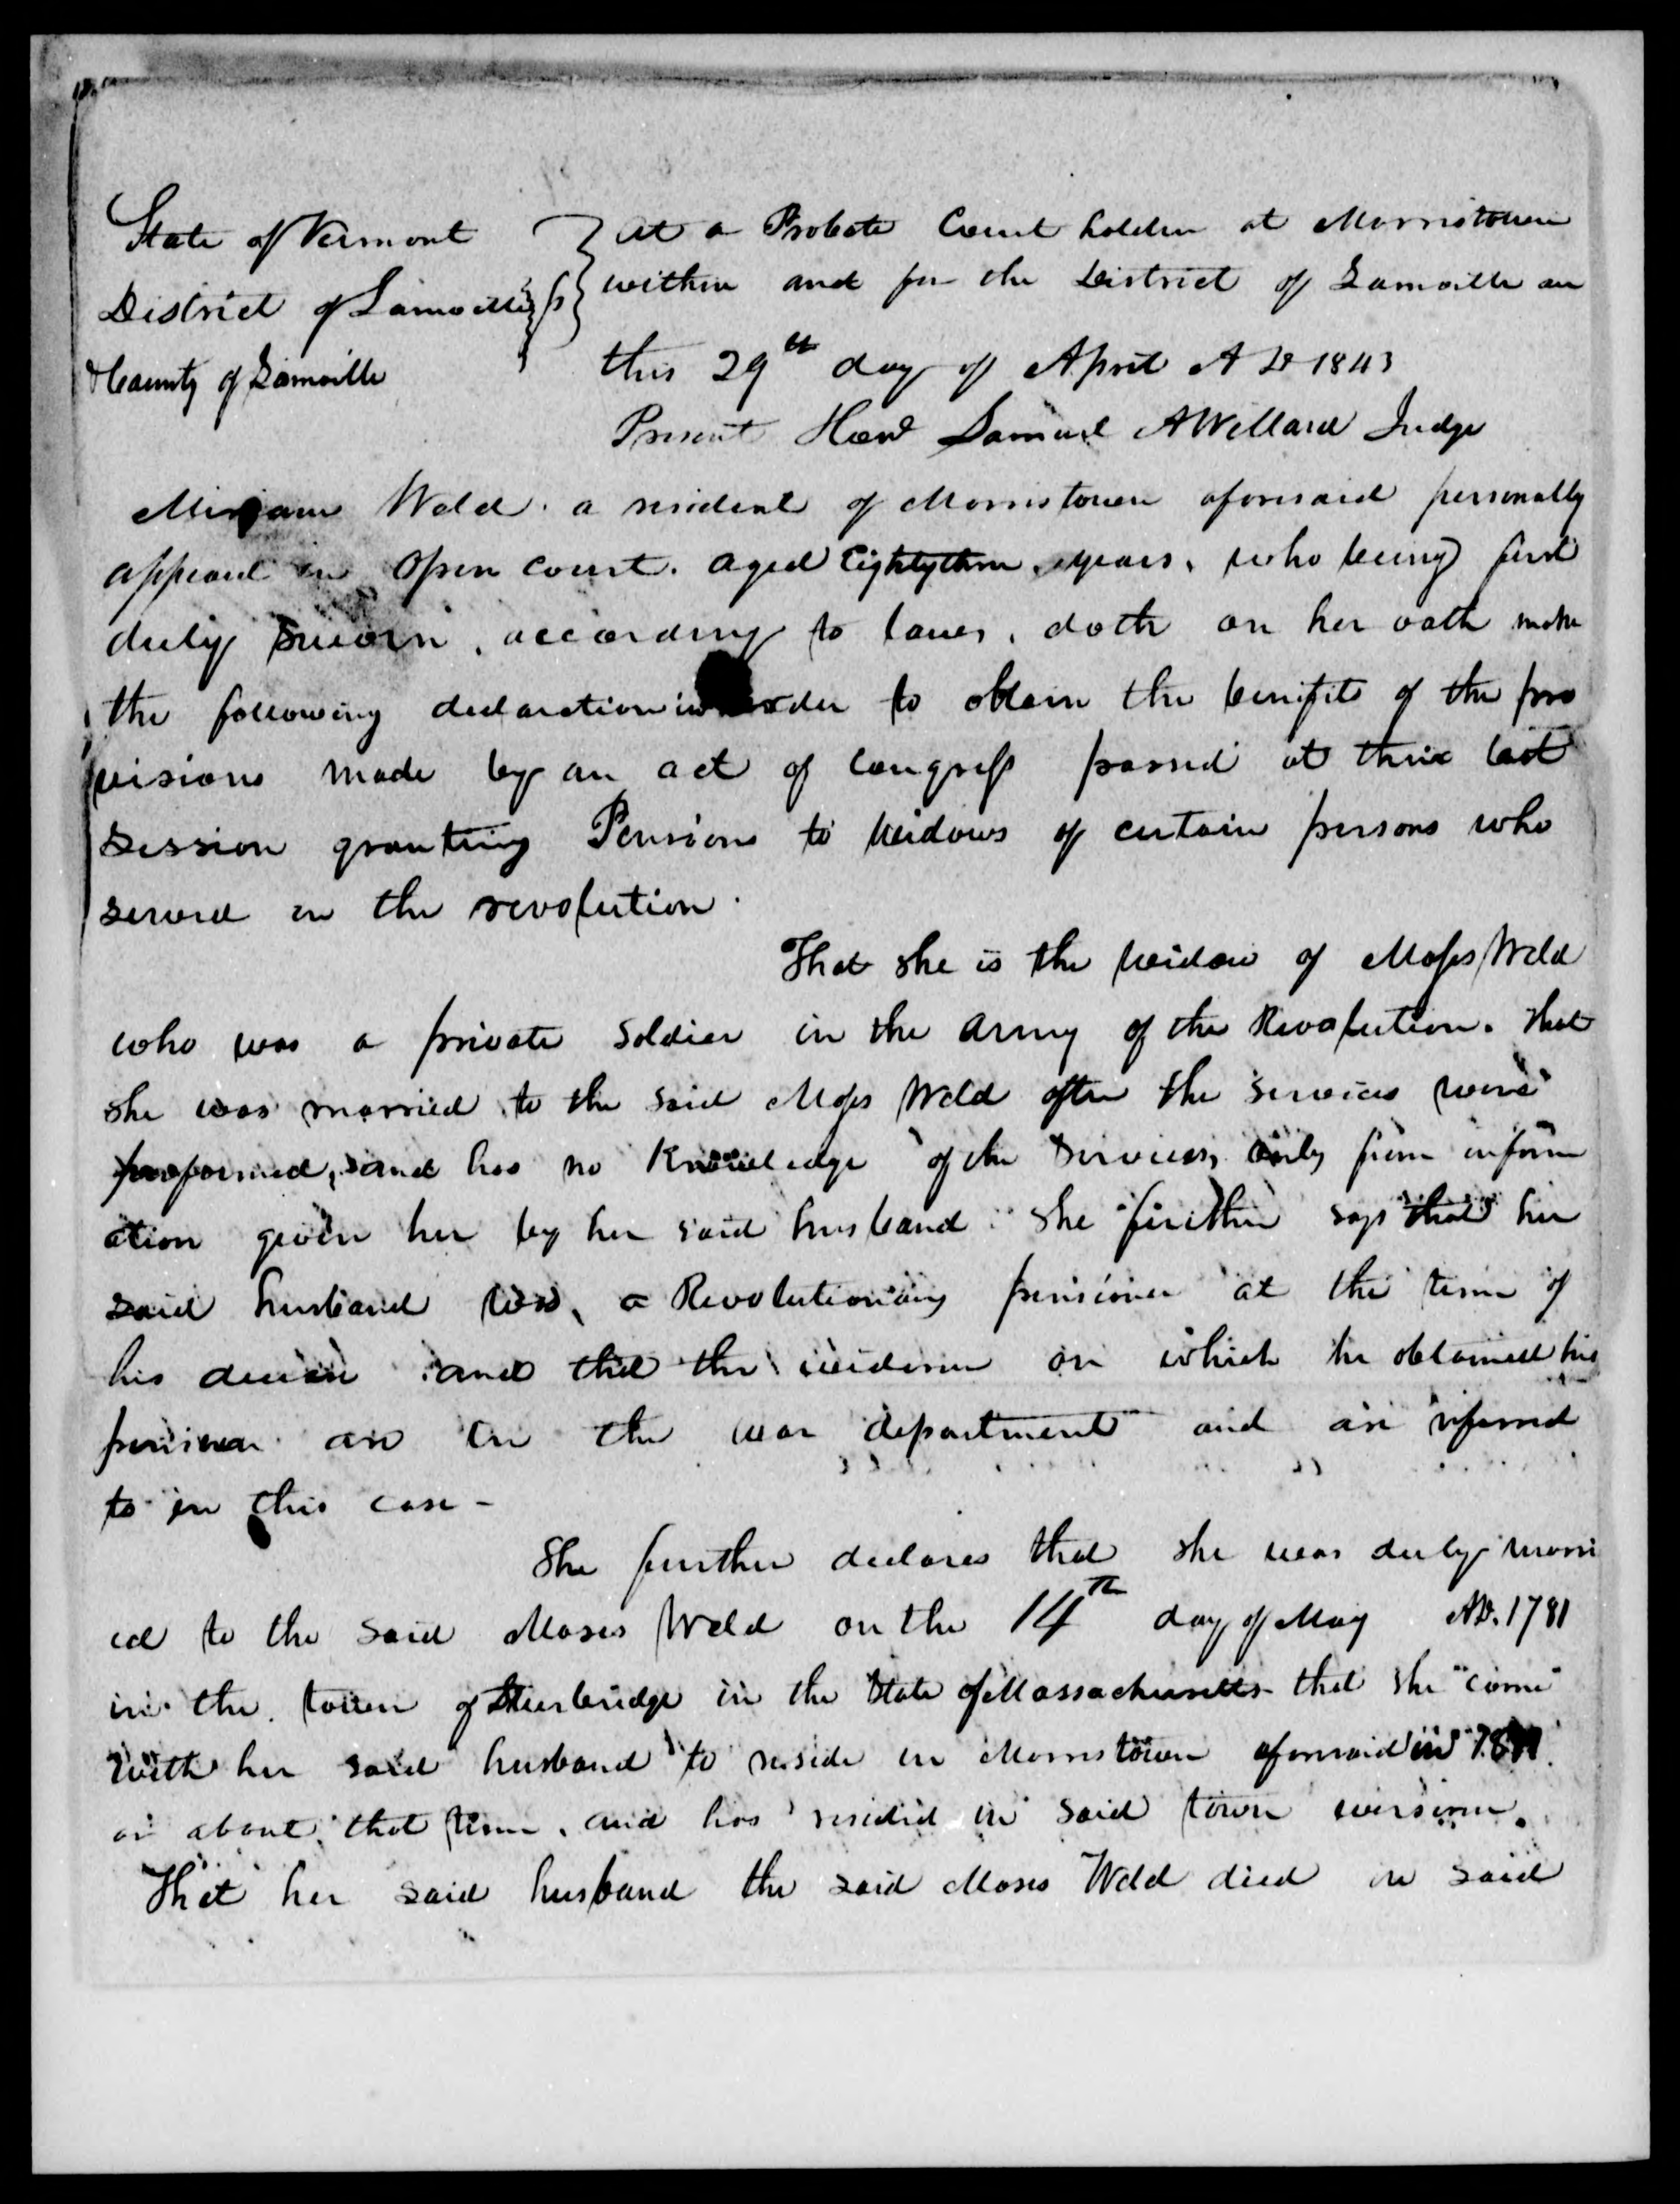State of Vermont
District of Lamoille
County of Lamoille

At a Probate Court holden at Morristown within and for the District of Lamoille on this 29th day of April A D 1843
Present Hon Samuel A Willard Judge
Miriam Weld a resident of Morristown aforesaid personally appeared in open court, aged Eighty three years, who being first duly sworn, according to law, doth on her oath make the following declaration in order to obtain the benifit of the provisions made by an act of Congress passed at this last session granting Pensions to widows of certain persons who served in the revolution.
That she is the widow of Moses Weld
who was a private soldier in the Army of the Revolution, that she was married to the said Moses Weld after the services were
performed, and has no knowledge of the services only from information given her by her said husband. She further says that her
said husband was a Revolutionary pensioner at
the time of his death and that the evidence on which he obtained his pension [?] in the war department and in refund to in this can[?]
She further declares that she was duly married to the said Moses Weld on the 14th day of May AD. 1781 in the town of Sturbridge in the State of Massachusetts that the "come"[?] with her said husband to reside in Morristown aforesaid in 1811 or about that time, and has resided in said town eversince.  That her said husband the said Moses Weld died in said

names: Moses Weld, Samuel A Willard, Miriam Weld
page: 40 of 87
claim: widow's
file: W. 25,966, Moses Weld, Mass.